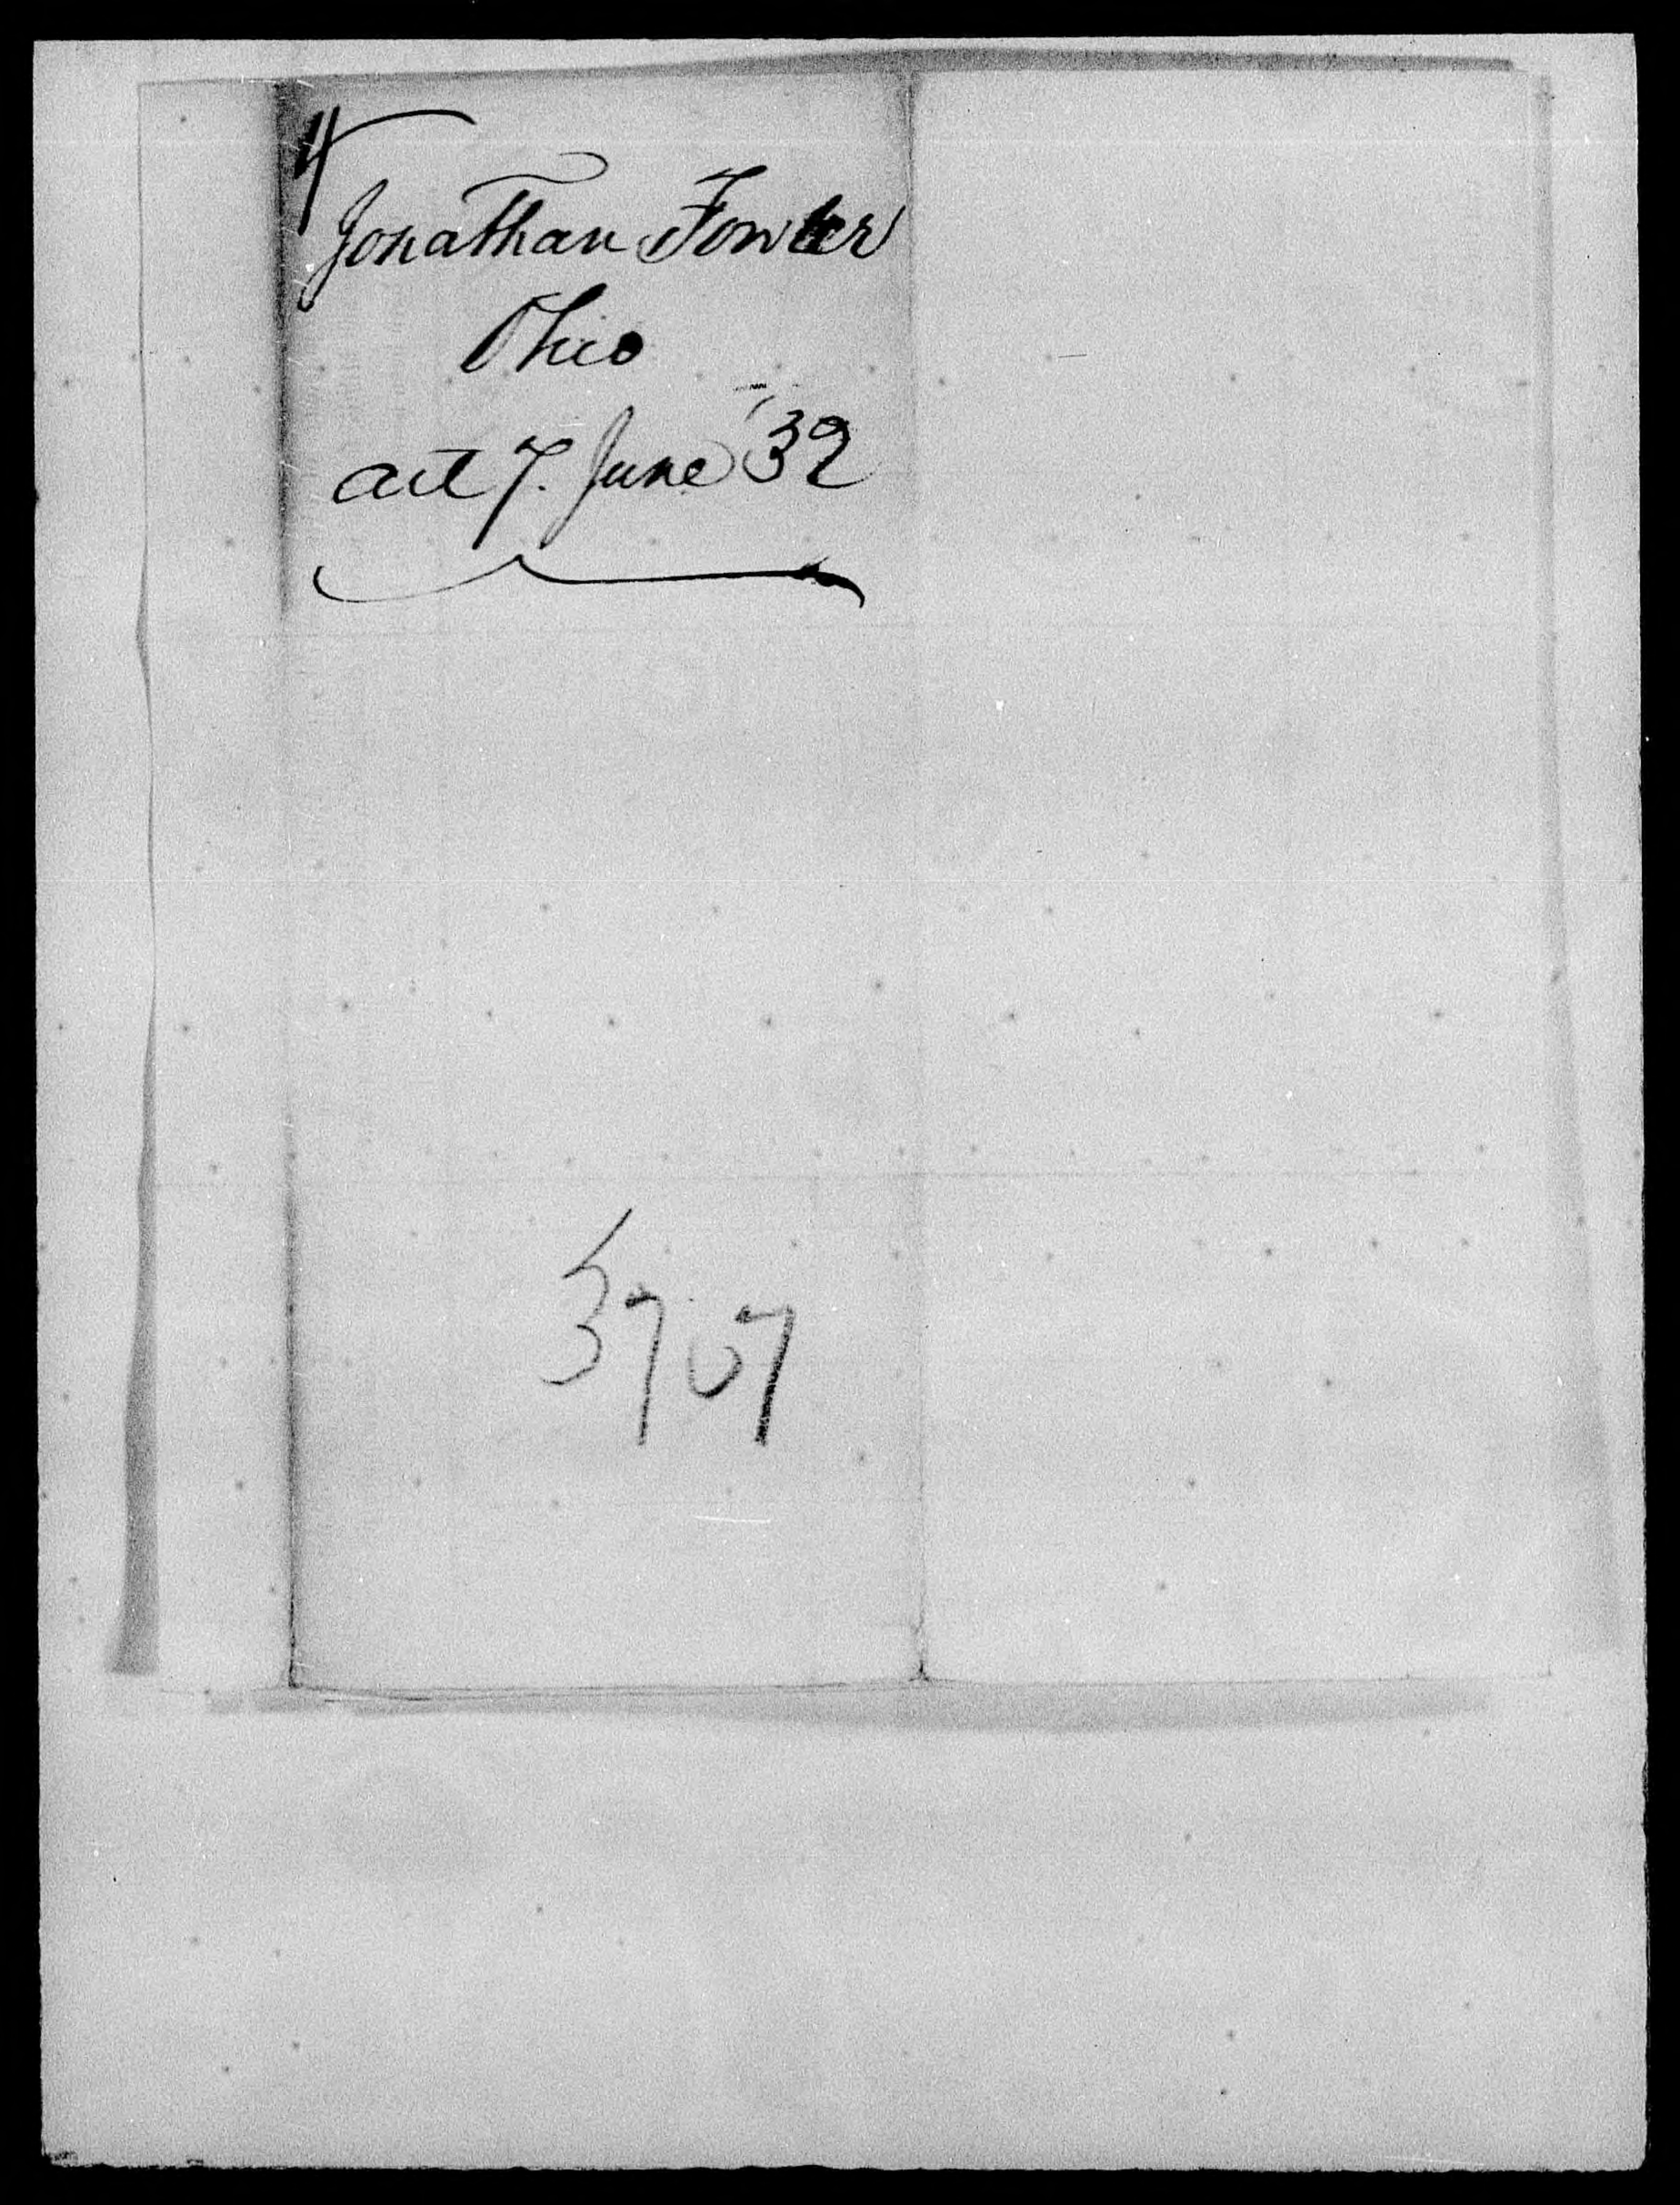Jonathan Fowler
Ohio
Act 7 June '32

3707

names: Jonathan Fowler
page: 27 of 44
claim: survivor's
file: S. 23639, Jonathan Fowler, New York